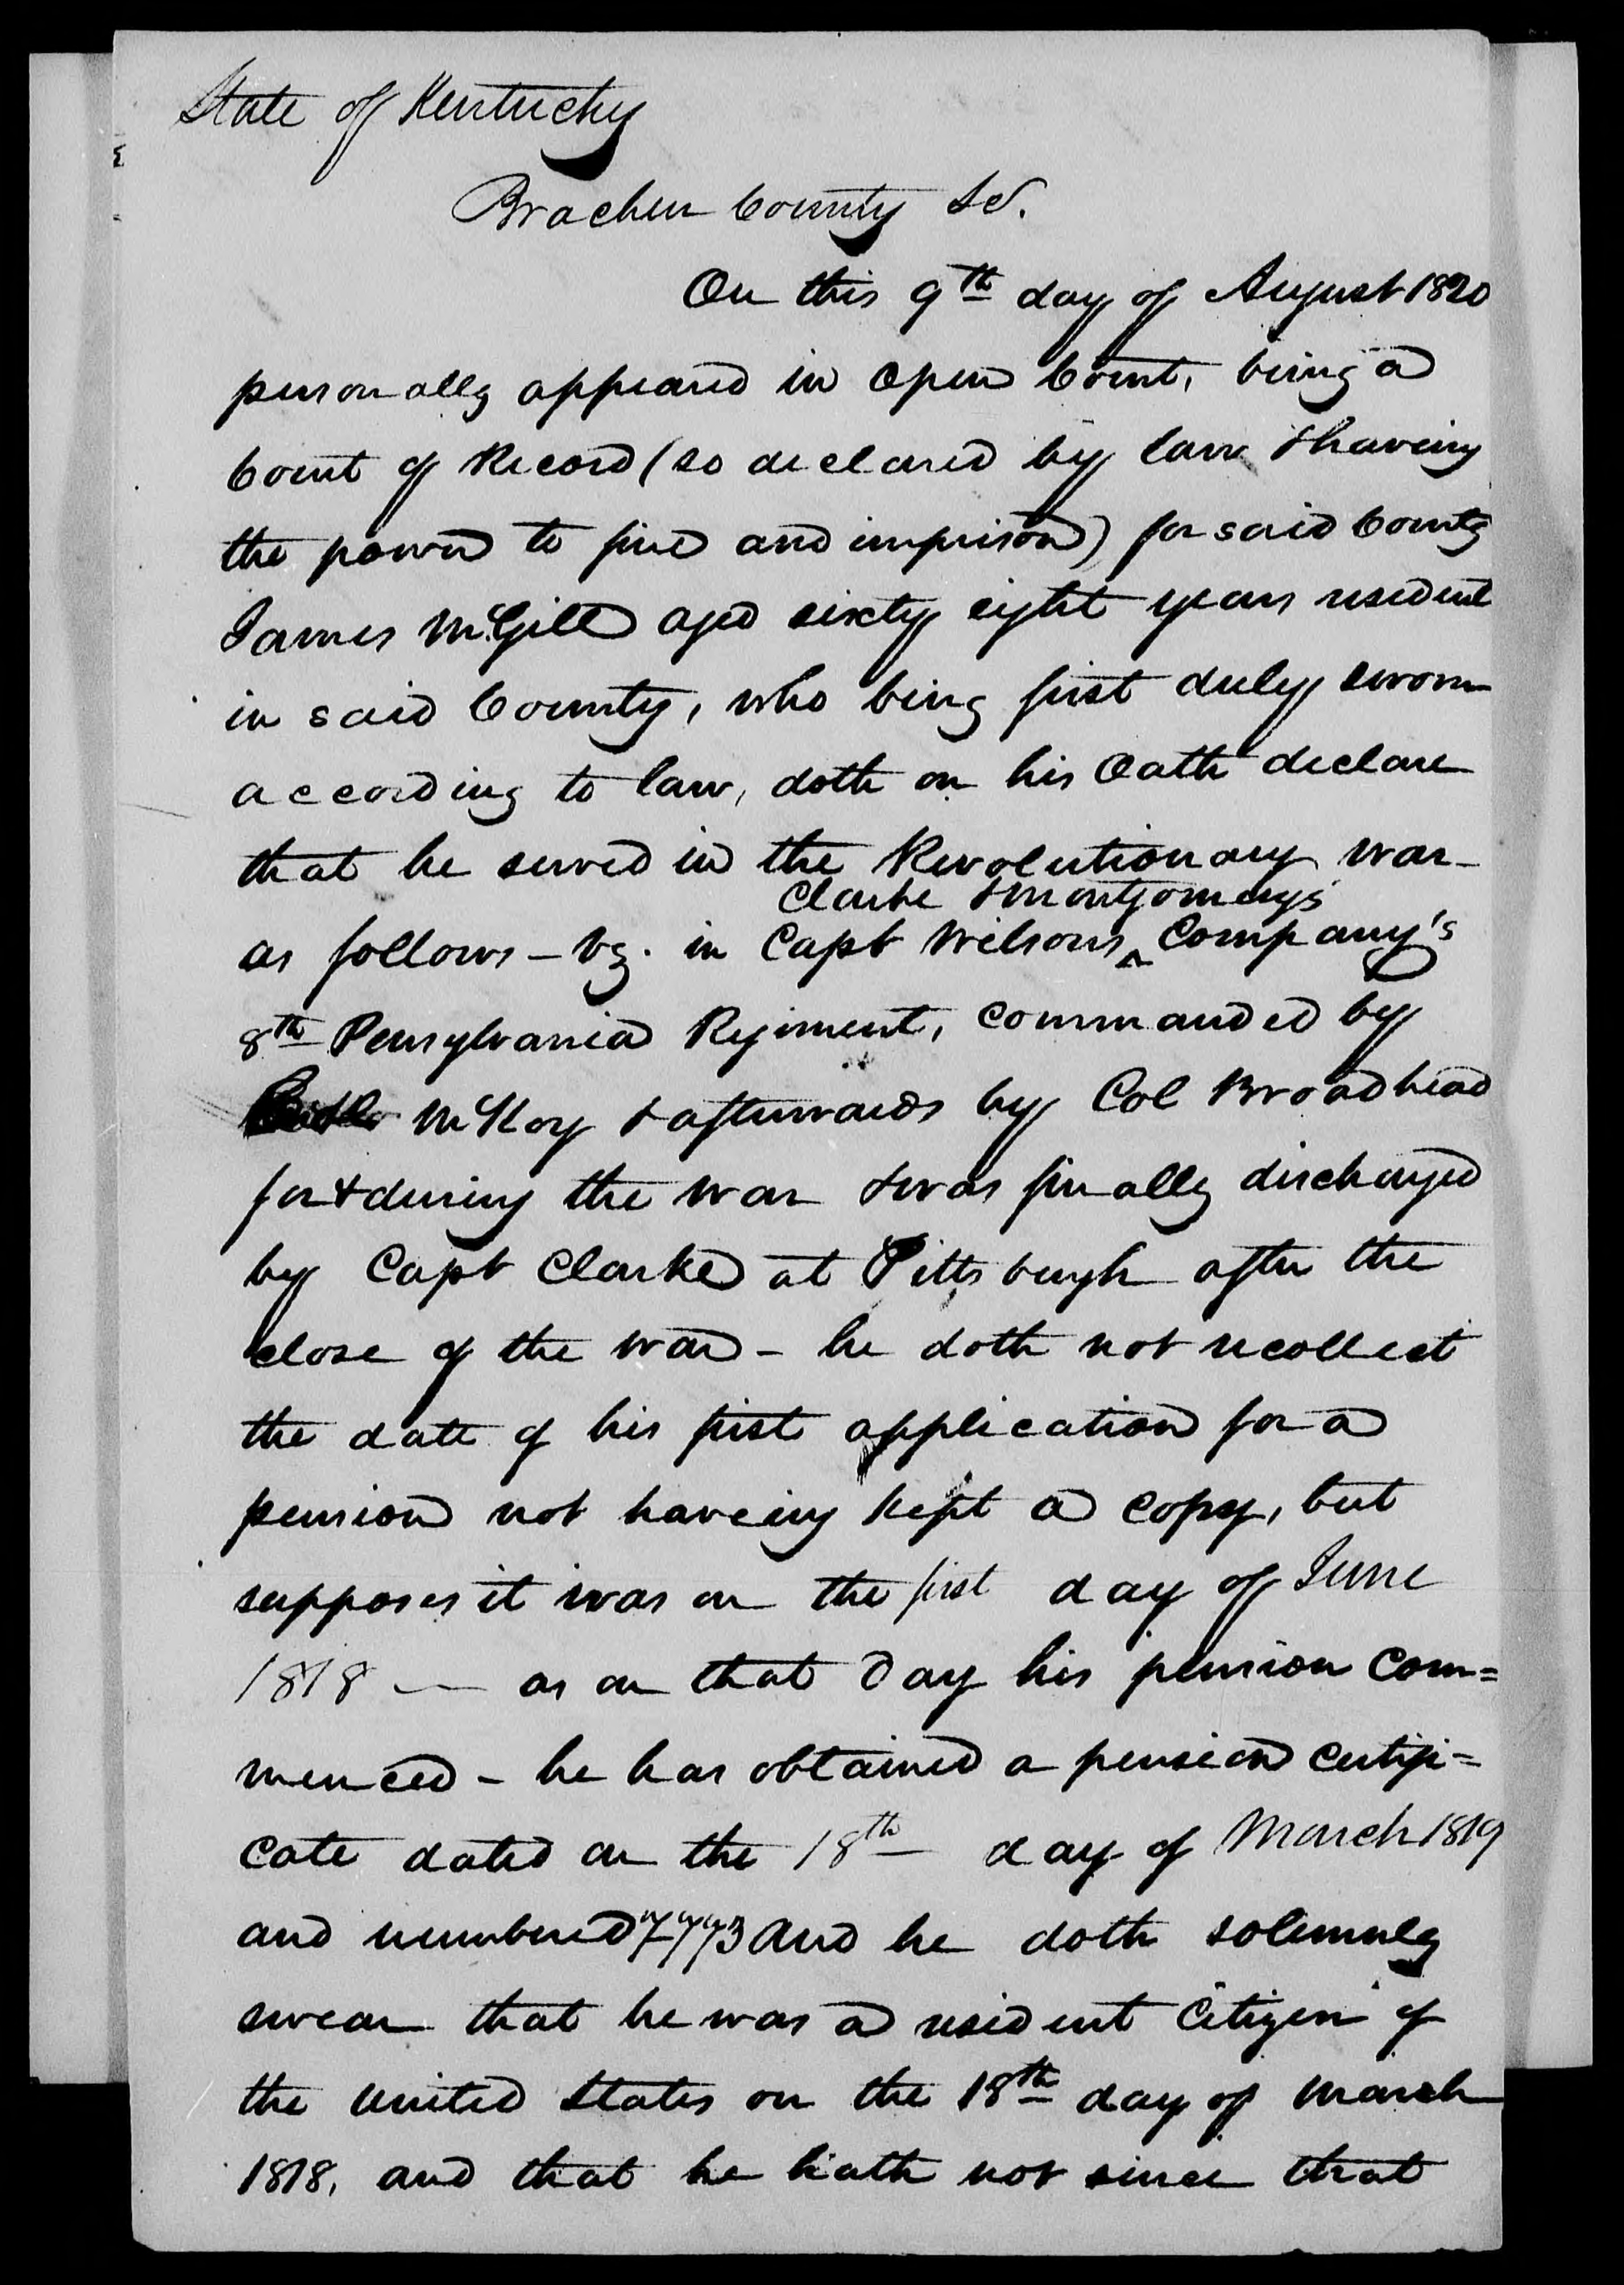image 64  (# 4160873_00064)         
Fold3 File #23857231
[continued from image 63]

State of Kentucky    Bracken County Sc.

On this 9th day of August 1820 personally appeared in open court, being a court of record (so declared by law having the power to fine and imprison) for said county James McGill aged sixty-eight years resident in said county, who being first duly sworn according to law, doth on his oath declare that he served in the Revolutionary War --as follows - viz. in Capt Wilson’s, Clark's & Montgomery's company's, 8th Pennsylvania Regiment, commanded by Col McKay and afterwards by Col Broadhead [Brodhead] for and during the war and was finally discharged by Capt Clarke at Pittsburgh after the close of the war -- he doth not recollect the date of his first application for a pension, not having kept a copy, but supposes it was on the first day of June 1818 -- as on that day his pension commenced -- he has obtained a pension certificate dated on the 18th day of March 1819 and numbered 7-773 and he doth solemnly swear that he was a resident citizen of the United States on the 18th day of March 1818, and that he hath not since that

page: 7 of 71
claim: widow's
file: W. 8428, for James Mc Gill, Pennsylvania